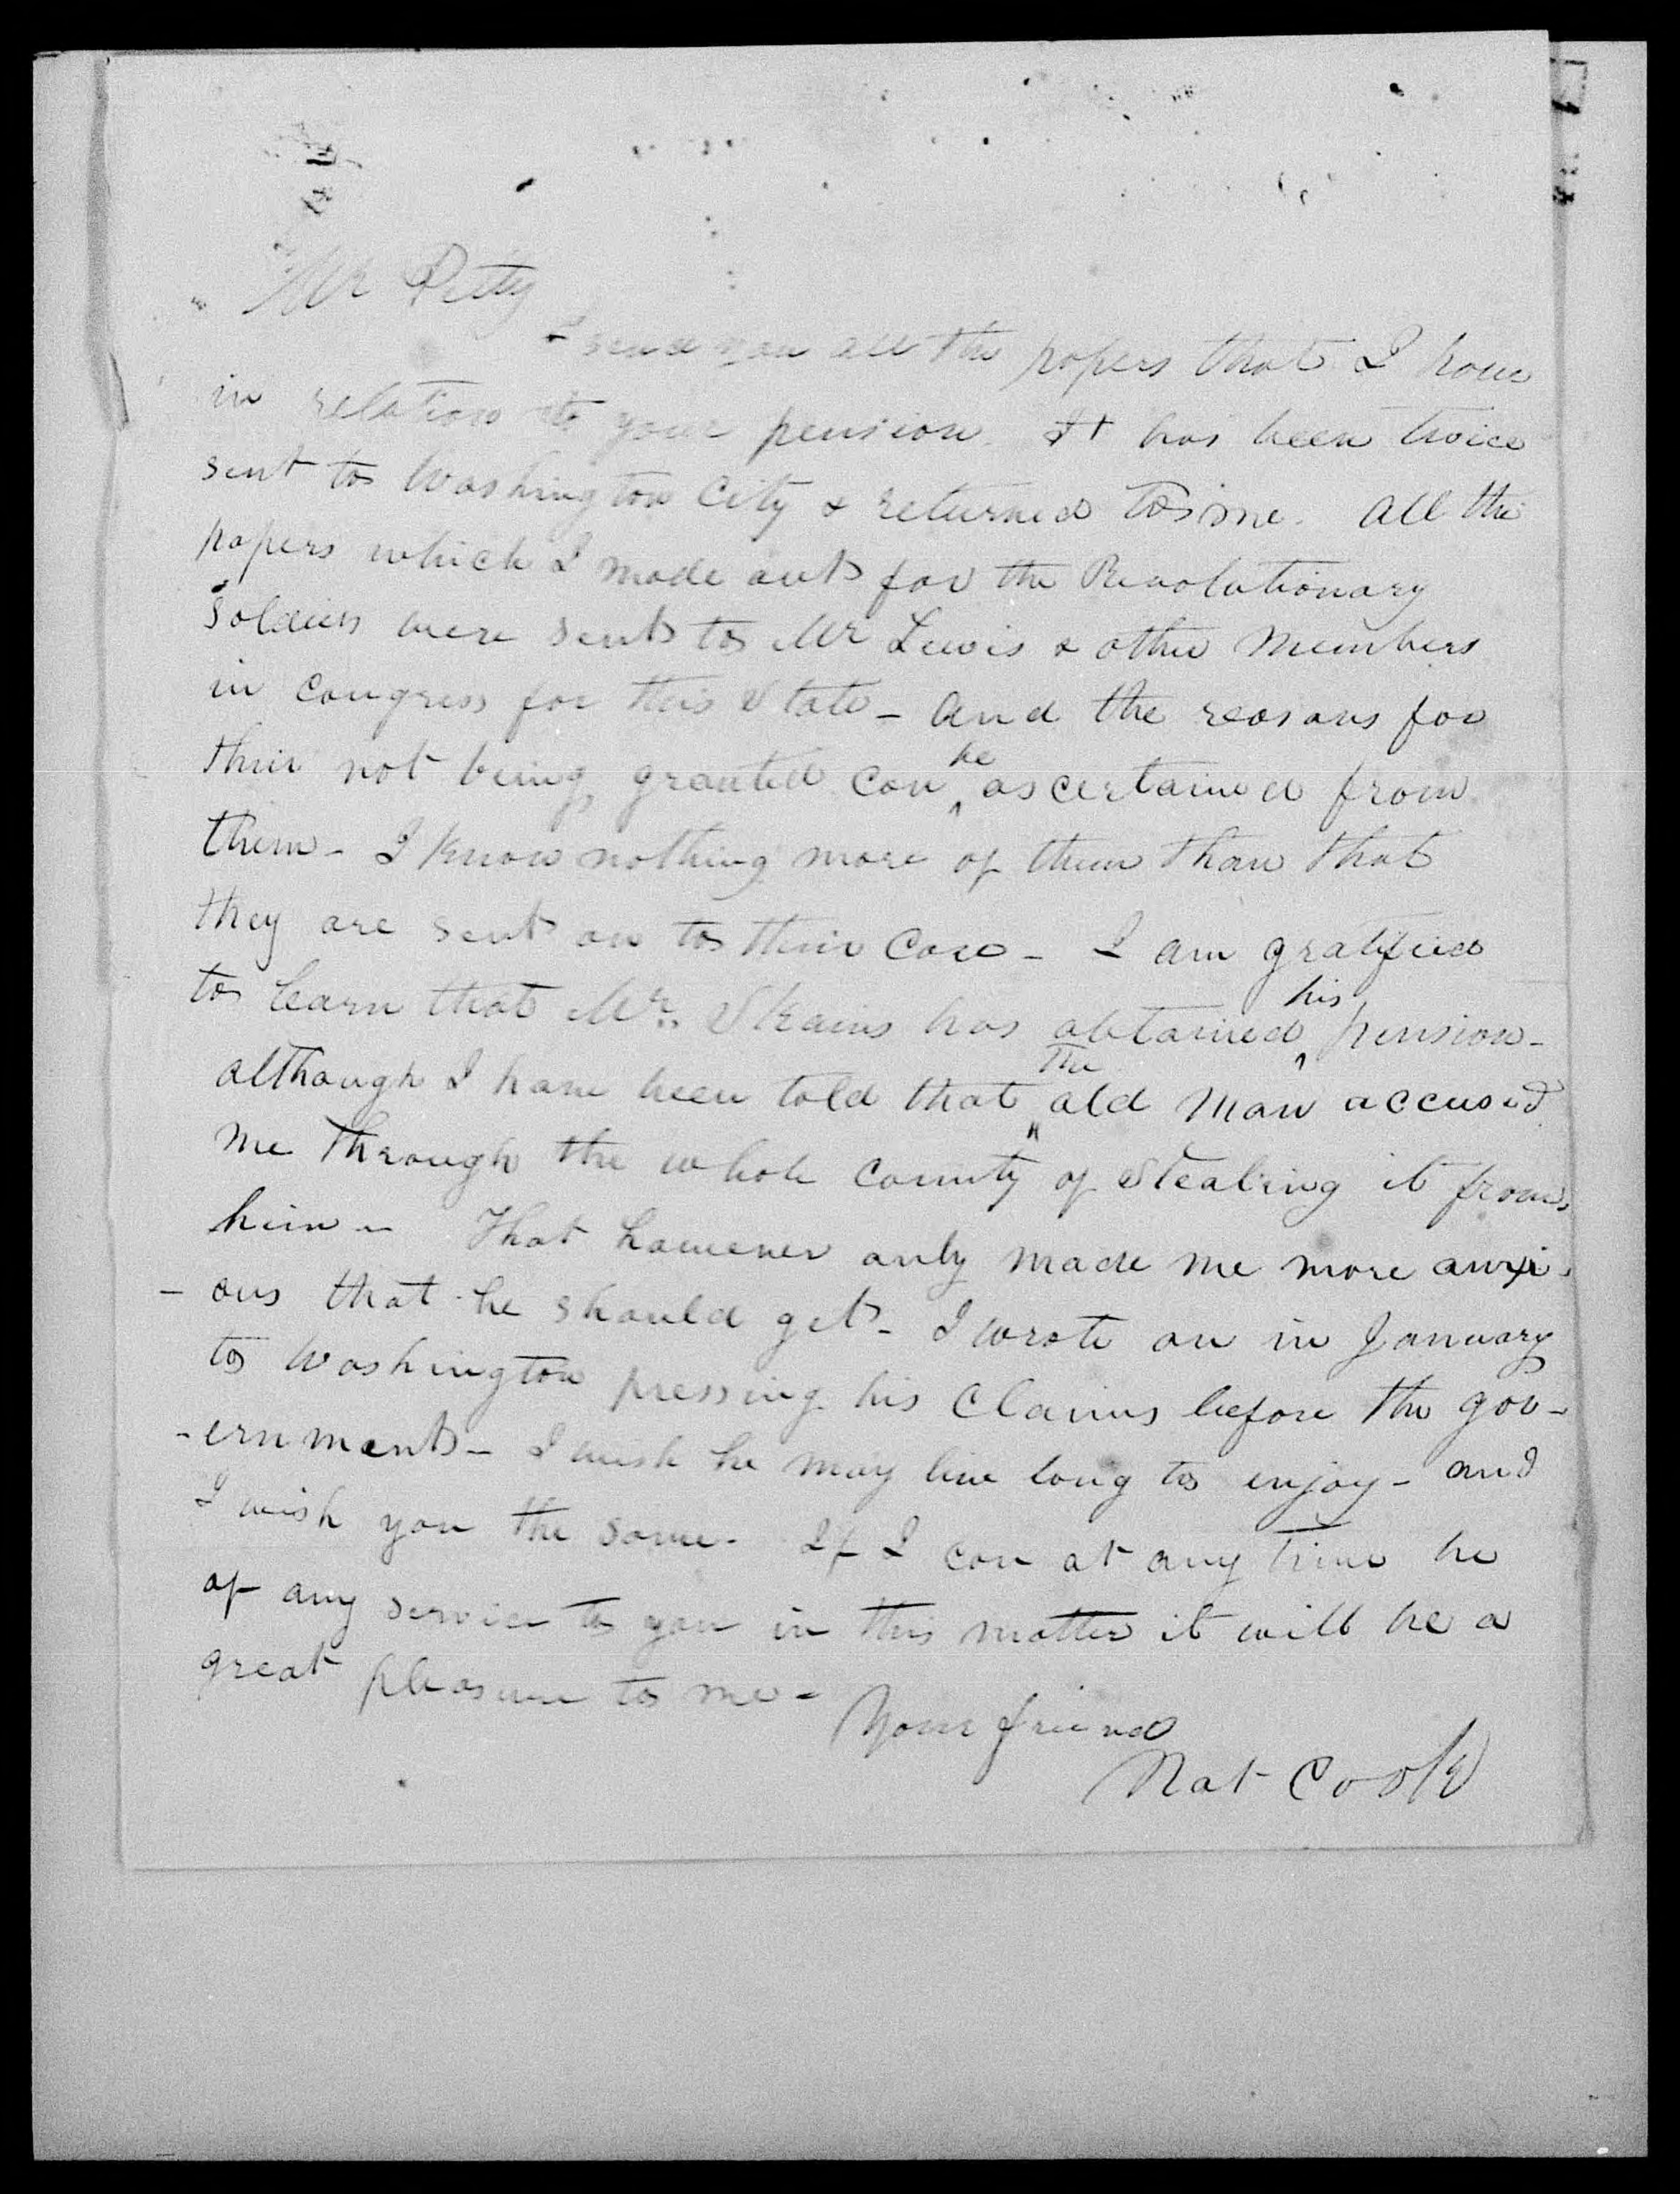Mr Petty 
I send you all the papers that I have in relation to your pension It has been twice sent to Washington City & returned to me All the papers which I made out for the Revolutionary soldiers were sent to Mr Lewis & other members in Congress for this state and the reasons for their not being granted can be as certain a from them I know nothing more of them than that they are sent on to their case I am gratified to learn that Mr Skains has obtained his pensions although I have been told that the old man accused me through the whole county of stealing it from him That however only made me more anxious that he should get I wrote on in January to Washington pressing he claims before the government I wish he may live long to enjoy and I wish you the same If I can at any time be of any service to you in this matter it will be a great pleasure to me
Your friend
Nat Cook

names: [BLANK] Petty; [BLANK] Skains; [BLANK] Lewis; Nat Cook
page: 19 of 26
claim: rejected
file: R. 8,161, for Theophilus Petty, South Carolina